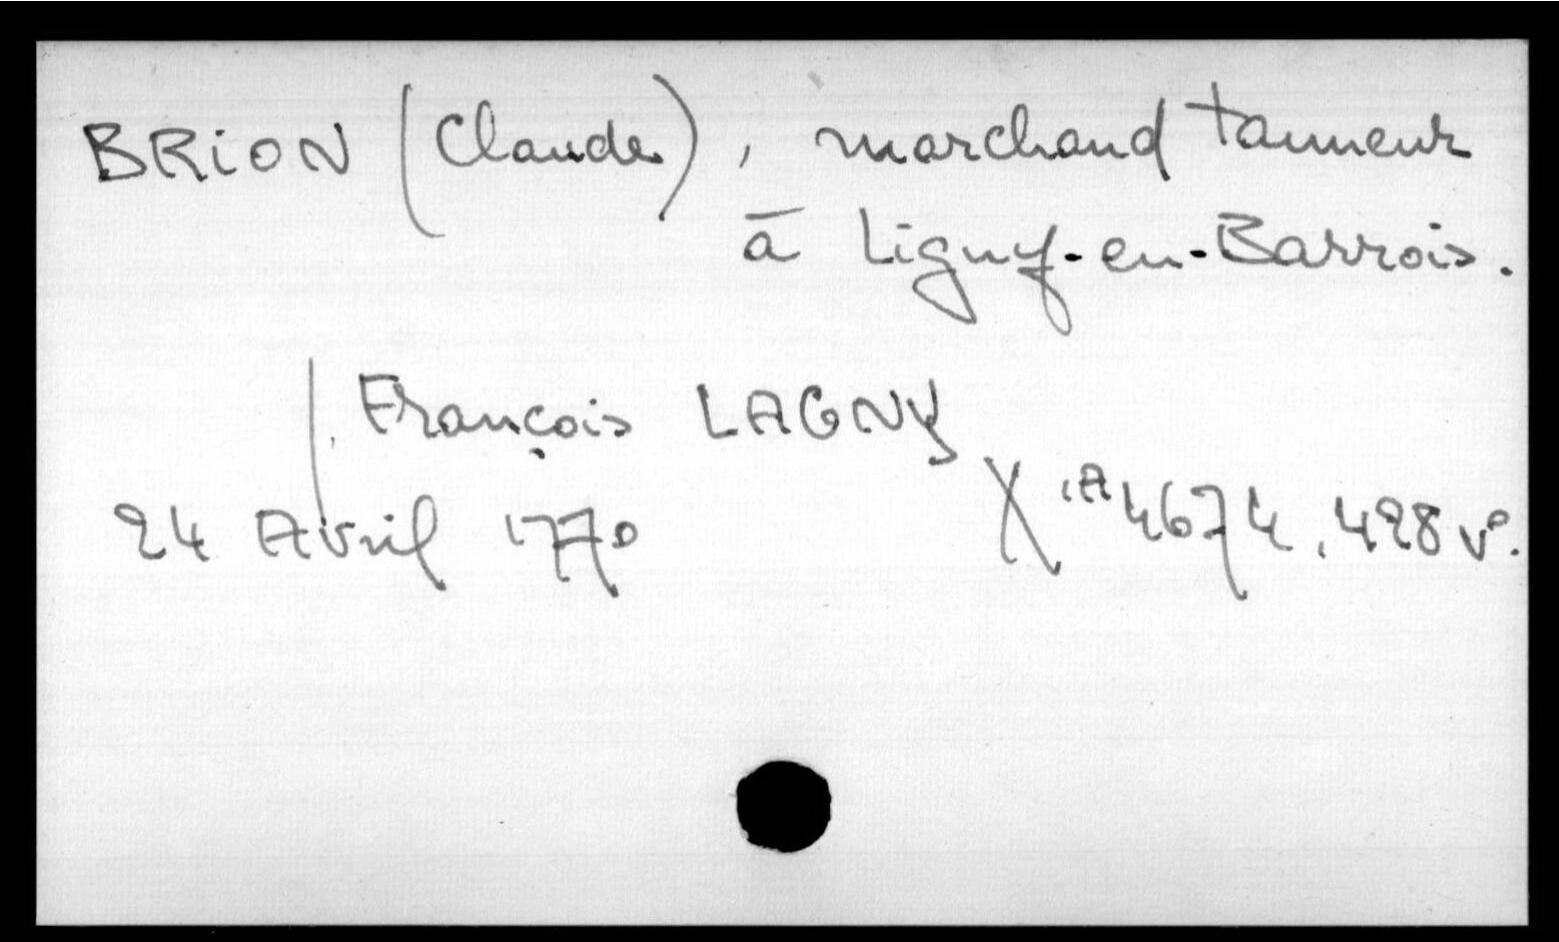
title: BRION (Claude), marchand tanneur à Ligny-en-Barrois.
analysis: Contre François LAGNY
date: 24 avril 1770
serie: X1A
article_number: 4674
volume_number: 428v
